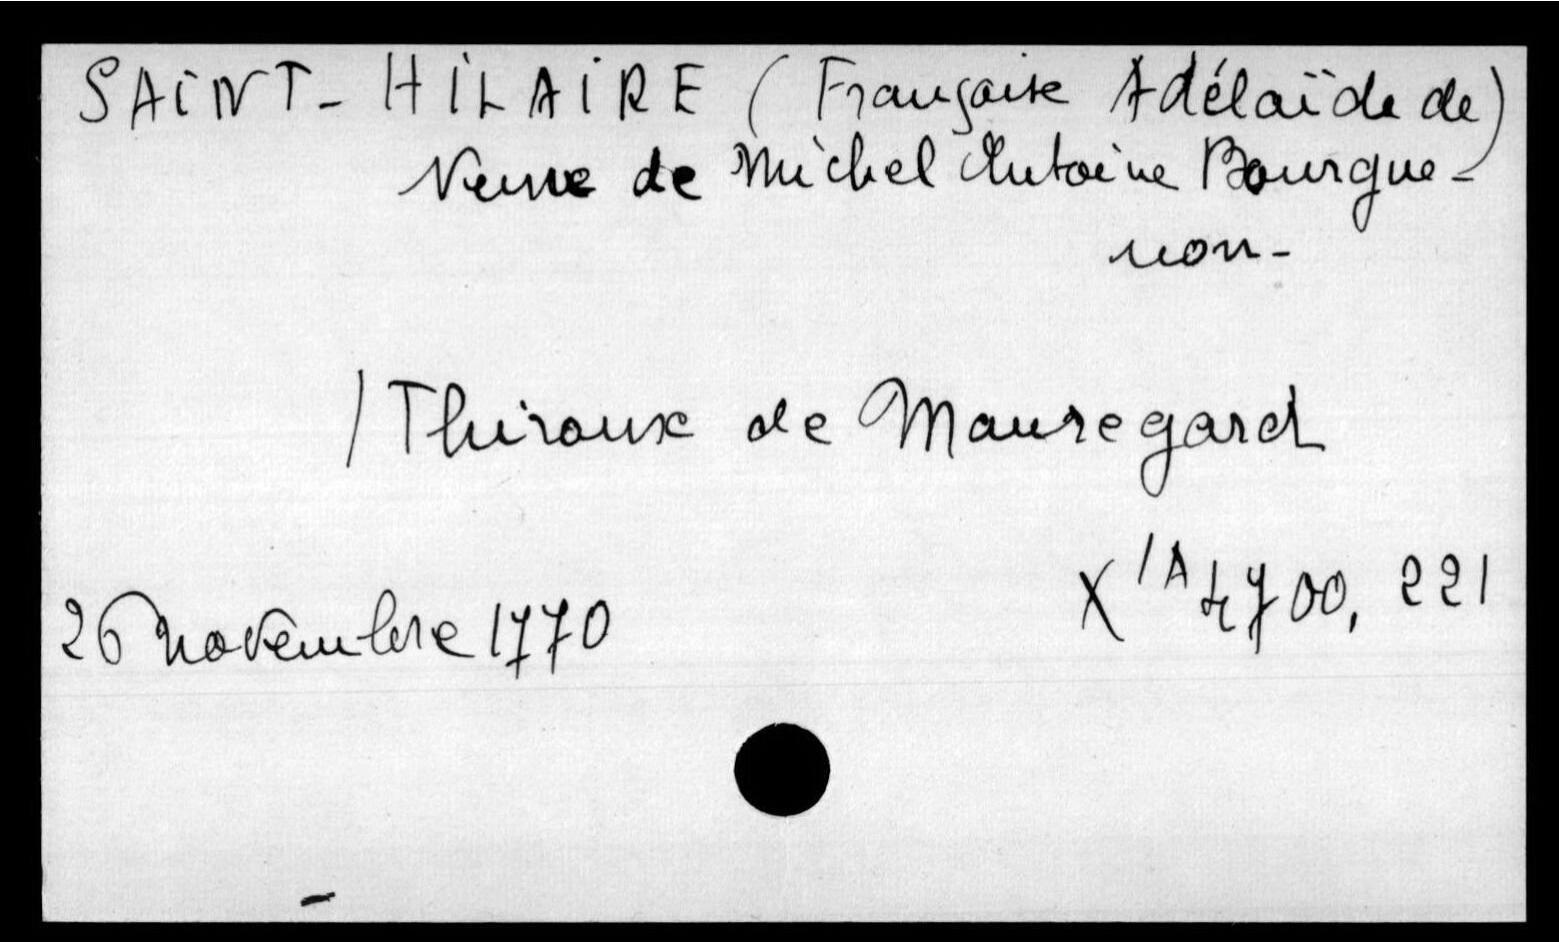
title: SAINT-HILAIRE (Françoise Adélaïde de) Veuve de Michel Antoine Bourguenon
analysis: Contre Thiroux de Mauregard
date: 26 novembre 1770
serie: X1A
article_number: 4700
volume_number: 221
